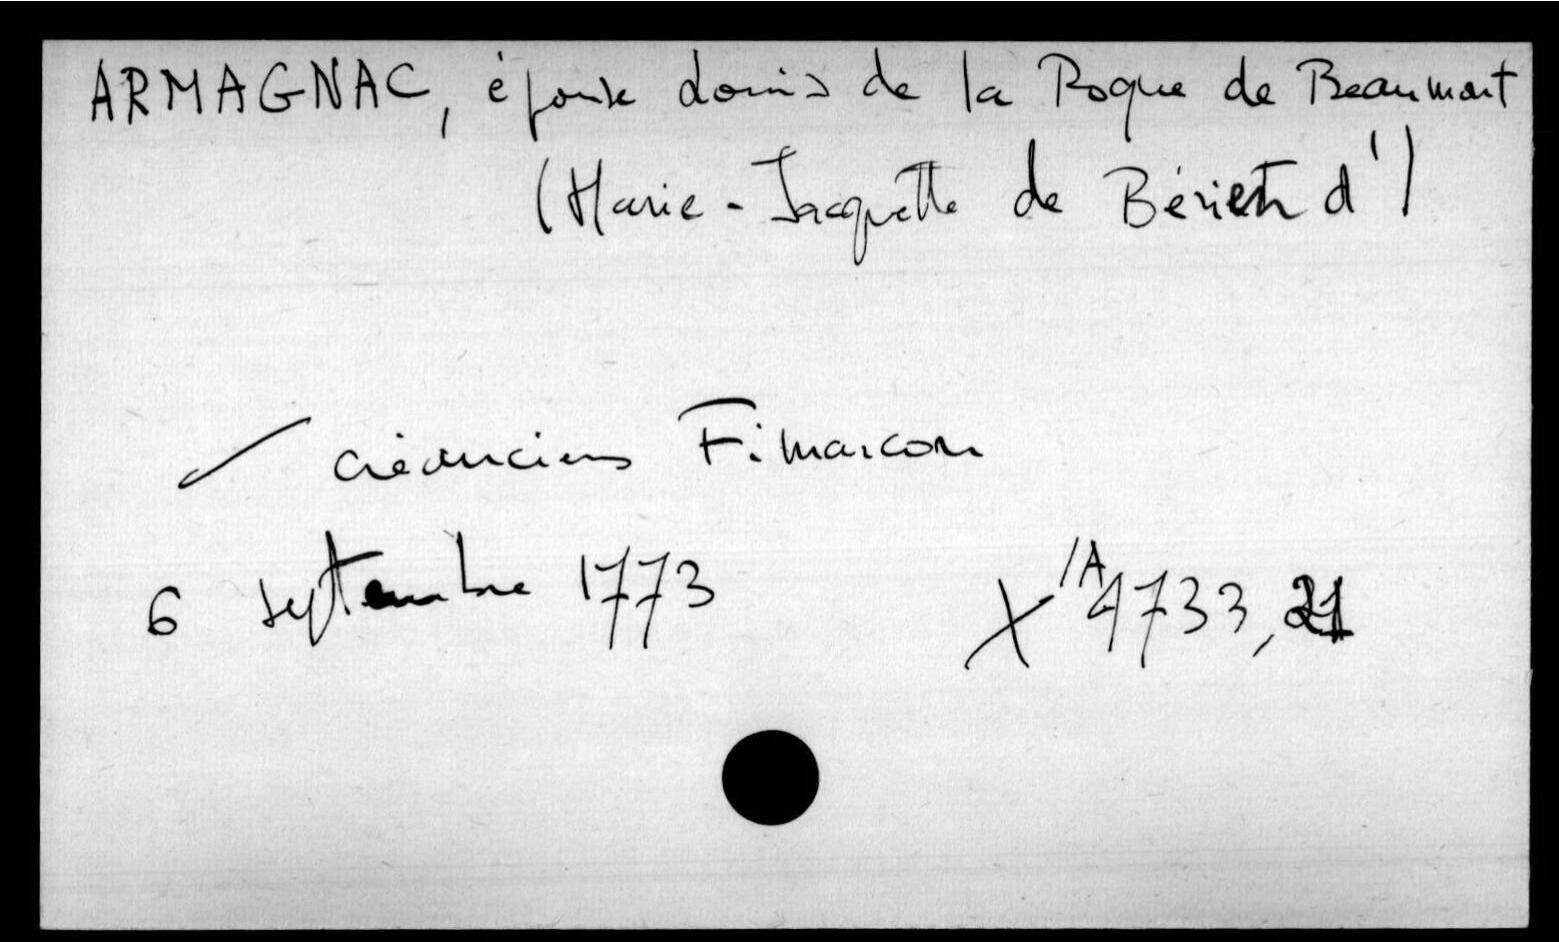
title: ARMAGNAC, épouse Louis de la Roque de Beaumart (Marie-Jacquetle de Bériet d')
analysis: Contre créanciers Fimarcon
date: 6 septembre 1773
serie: X1A
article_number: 4733
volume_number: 21
